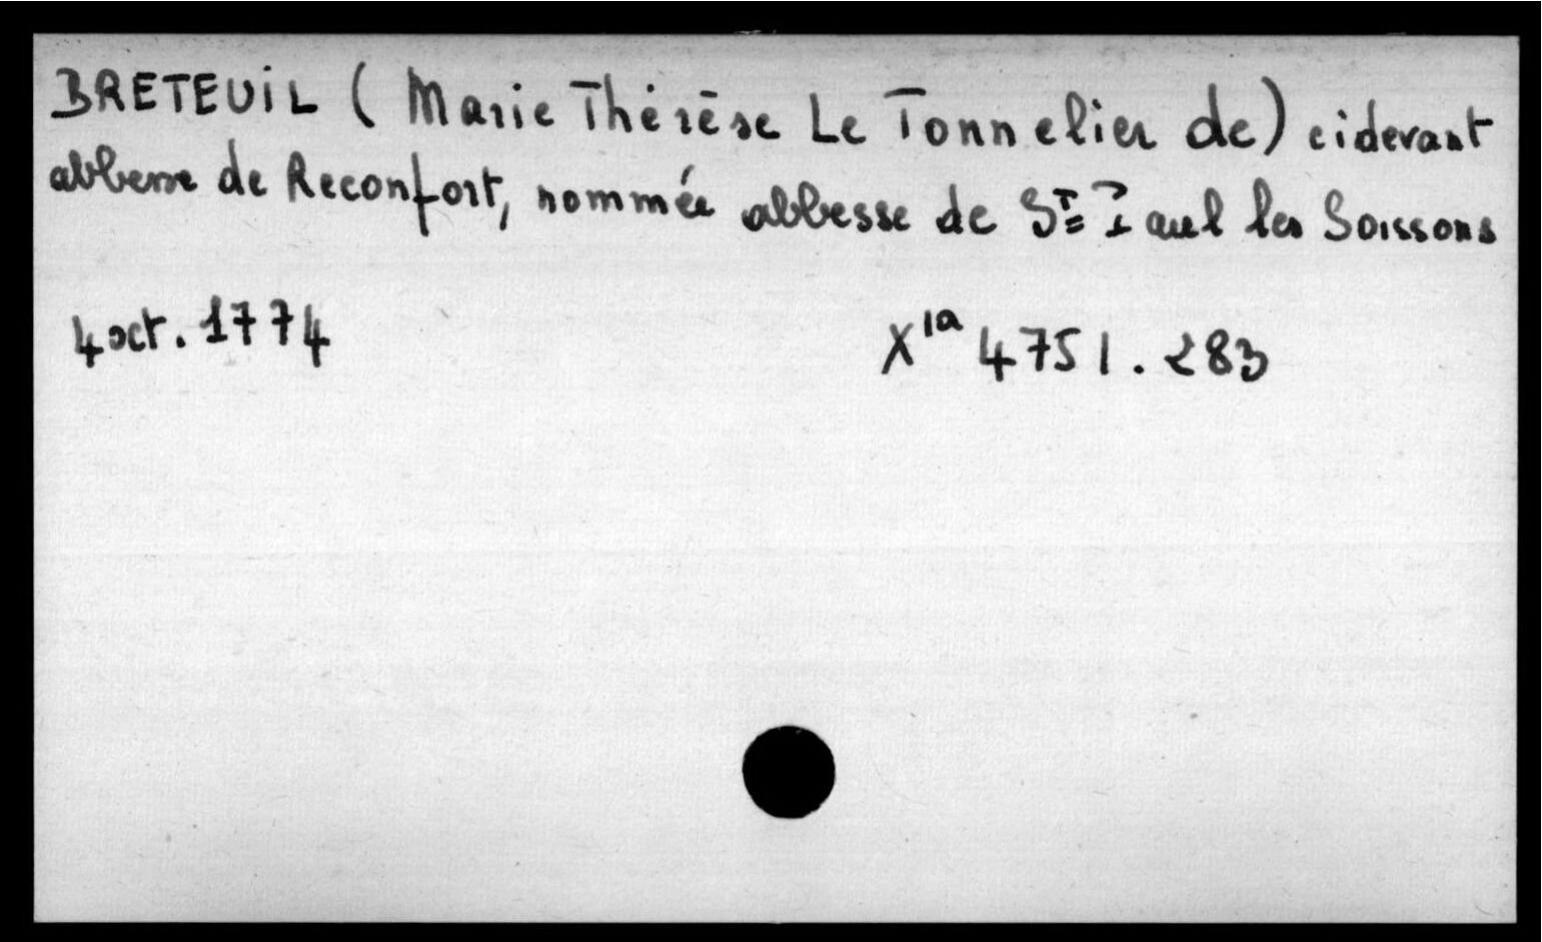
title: BRETEUIL (Marie Thérèse Le Tonnellier de) cidevant abbesse de Reconfort, nommée abbesse de Saint-Paul les Soissons
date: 4 octobre 1774
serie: X1a
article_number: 4751
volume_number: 283
